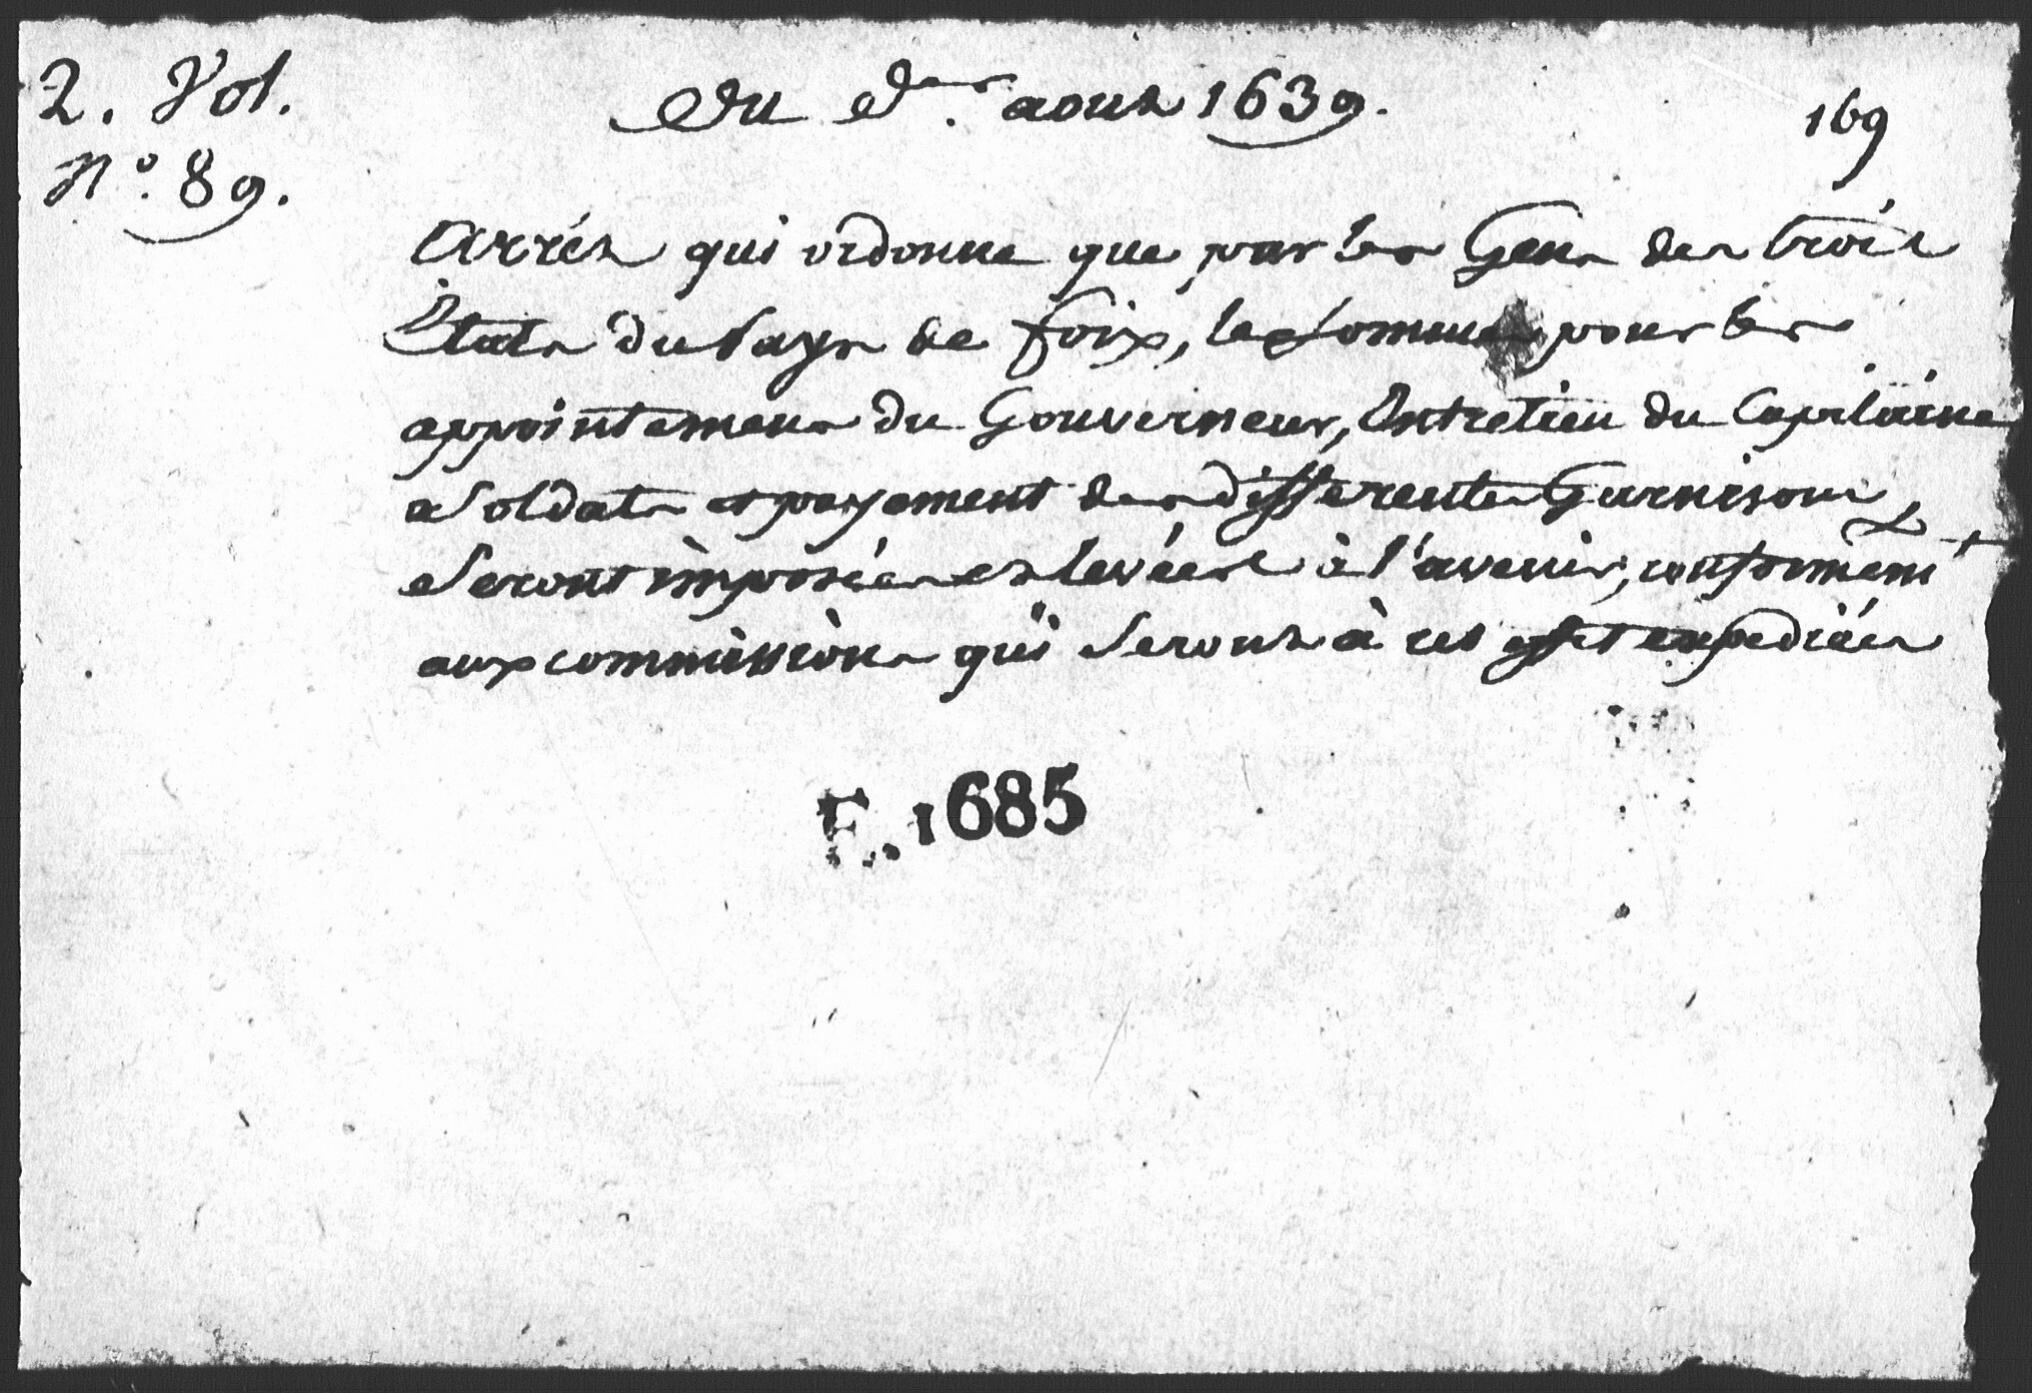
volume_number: n°89
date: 31 août 1639
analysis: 169
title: Arrêt qui ordonne que par les Gens des trois Etats du Pays de foix, les sommes pour les appointemens du Gouverneur, entretien du capitaine, soldats et payement des differentes garnisons seront imposées et levées à l’avenir, conformemt aux commissions qui seront à cet effet expediées
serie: E
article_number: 1685
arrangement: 2. vol.
